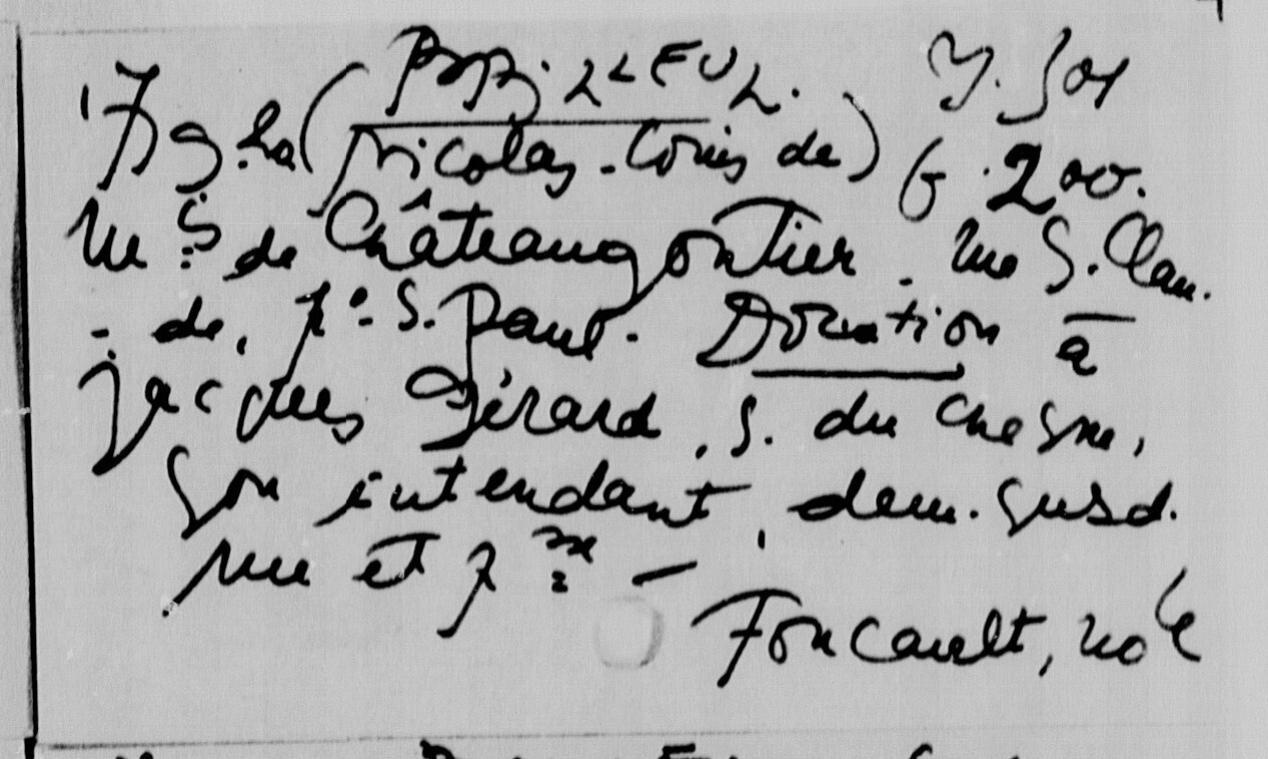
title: BAILLEUL (Nicolas-Louis de)
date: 1719
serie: Y
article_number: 301
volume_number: folio 200
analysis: Marquis de Château-Gontier, rue Saint-Claude, paroisse Saint-Paul Donation à Jacques Gérard, seigneur du Chesne, son intendant, demeurant susdites rue et paroisse Foucault, notaire
